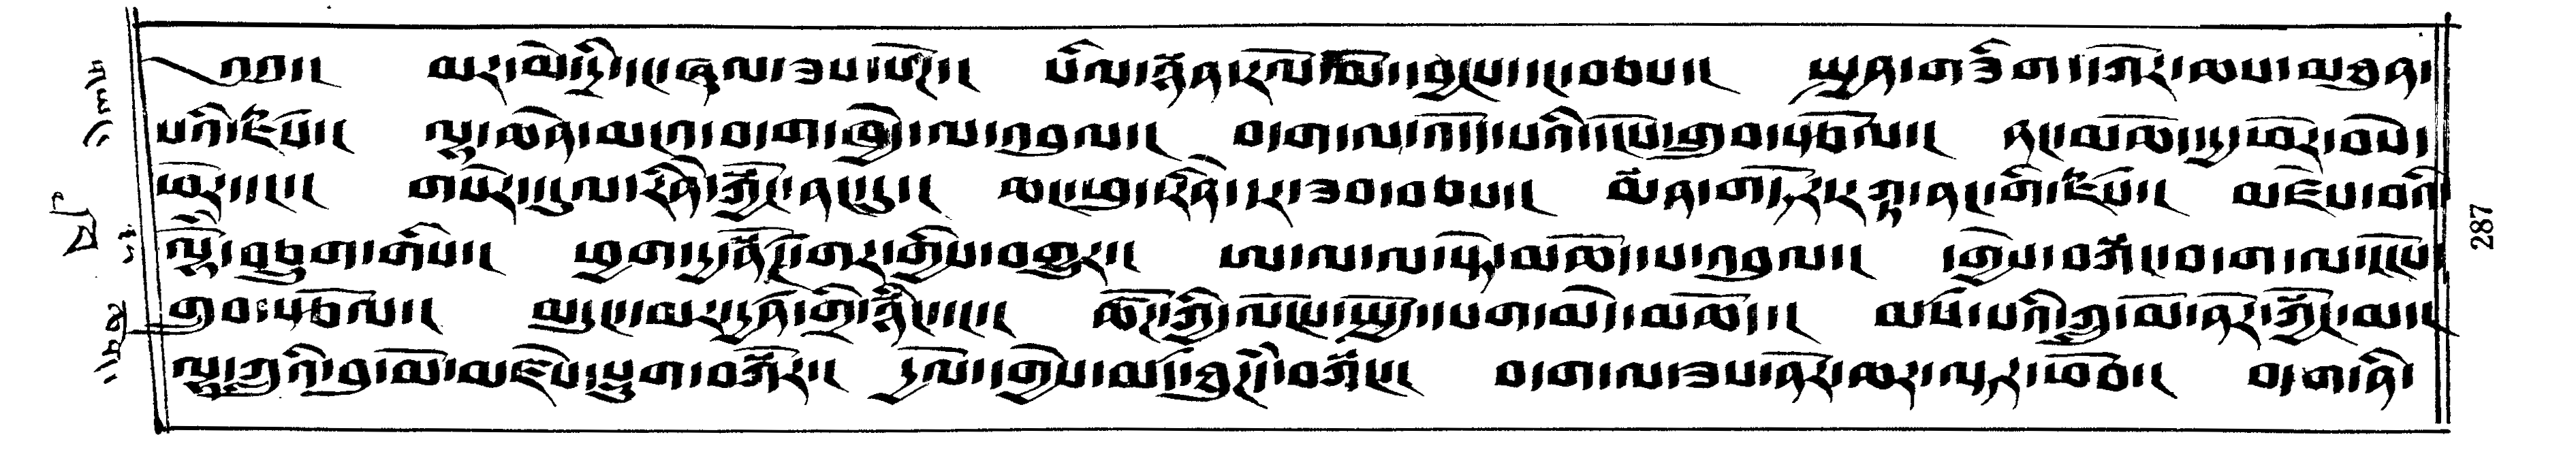མར་མེ་དྲི་དང་ཞལ་ཟས་སོགས། །སིལ་སྙན་རོལ་མོ་དབྱངས་དང་བཅས། །སྤྱན་གཟིགས་དཀོར་ཆ་མཐུན་
པའི་རྫས། །ལྷ་ཆེན་མངའ་བདག་ཁྱེད་ལ་འབུལ། །བདག་ལ་འདོད་པའི་དངོས་གྲུབ་སྩོལ། །ནང་མཆོད་རྒྱ་ཕོར་བསེ་
ཕོར་དང་། །གསེར་དངུལ་རིན་ཆེན་སྐྱོགས་ནང་དུ། །ཆང་ཕུ་དརིན་ཆེན་དར་ཟབ་བཅས། །སྨན་གཏོར་རཀྟ་ནང་གི་རྫས། །མཛེས་བའི་
ལྷ་མོ་བཅུ་དྲུག་གིས། །ཕྱག་རྒྱ་སྣ་ཚོགས་གར་གྱིས་བསྒྱུར། །ཨ་ལ་ལ་སྟེ་མཆོད་པ་འབུལ། །དགྱེས་བསྐང་བདག་ལ་དངོས་
གྲུབ་སྩོལ། །མདུང་དམར་རྒྱལ་མཚན་གྲི་སྙིང་དང་། །ཚོགས་ཀྱི་ལོངས་སྤྱོད་དཔག་མེད་མཆོད། །མཛེས་པའི་ཀླུ་མོ་ནོར་སྐྱོང་མ། །
ལྷ་ཀླུའི་བུ་མོ་མཛེས་སྡུག་བསྐོར། །རྒྱལ་པོ་དགྱེས་མཛད་ཐུགས་དམ་བསྐང་། །བདག་ལ་ཟས་ནོར་ཆར་ལྟར་ཕོབ། །བདག་ནི་